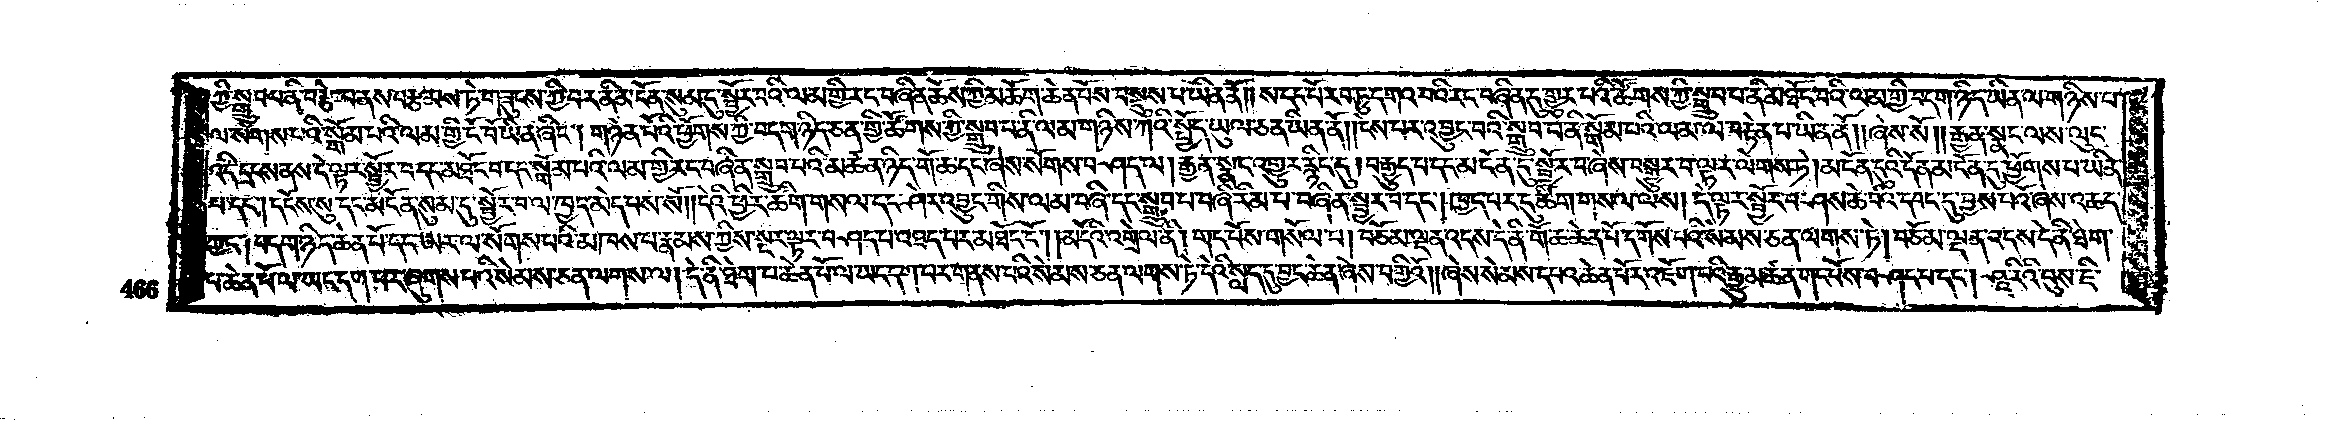ཀྱི་སྒྲུབ་པ་ནི་བརྩེ་བ་ནས་བརྩམས་ཏེ་གཟུངས་ཀྱི་བར་ནི་མངོན་སུམ་དུ་སྦྱོར་བའི་ལམ་གྱི་རང་བཞིན་ཆོས་ཀྱི་མཆོག་ཆེན་པོས་བསྡུས་པ་ཡིན་ནོ། །ས་དང་པོ་རབ་ཏུ་དགའ་བའི་རང་བཞིན་དུ་གྱུར་པའི་ཚོགས་ཀྱི་སྒྲུབ་པ་ནི་མཐོང་བའི་ལམ་གྱི་བདག་ཉིད་ཡིན་ལ་གཉིས་པ་
ལ་སོགས་པའི་སྒོམ་པའི་ལམ་གྱི་ངོ་བོ་ཡིན་ཞིང་། གཉེན་པོའི་ཕྱོགས་ཀྱི་བདག་ཉིད་ཅན་གྱི་ཚོགས་ཀྱི་སྒྲུབ་པ་ནི་ལམ་གཉིས་ཀའི་སྤྱོད་ཡུལ་ཅན་ཡིན་ནོ། །ངེས་པར་འབྱུང་བའི་སྒྲུབ་པ་ནི་སྒོམ་པའི་ལམ་ལ་བརྟེན་པ་ཡིན་ནོ། །ཞེས་སོ། །རྒྱན་སྣང་ལས་ལུང་
འདི་དྲངས་ནས་དེ་ལྟར་སྦྱོར་བ་དང་མཐོང་བ་དང་སྒོམ་པའི་ལམ་གྱི་རང་བཞིན་སྒྲུབ་པའི་མཚན་ཉིད་གོ་ཆ་དང་ཞེས་སོགས་བཤད་ལ། རྒྱན་སྣང་འགྱུར་རྙིང་དུ། བརྒྱུད་པ་དང་མངོན་དུ་སྦྱོར་བ་ཞེས་བསྒྱུར་བ་ལྟར་ལེགས་ཏེ། མངོན་དུའི་དོན་མངོན་དུ་ཕྱོགས་པ་ཡིན་
པ་དང་། དངོས་སུ་དང་མངོན་སུམ་དུ་སྦྱོར་བ་ལ་ཁྱད་མེད་པས་སོ། །དེའི་ཕྱིར་ཚིག་གསལ་དང་ཤེར་འབྱུང་གིས་ལམ་བཞི་དང་སྒྲུབ་པ་བཞི་རིམ་པ་བཞིན་སྦྱར་བ་དང་། ཁྱད་པར་དུ་ཚིག་གསལ་ལས། དེ་ལྟར་སྦྱོར་བ་ཤེས་ཆེ་བའི་དབང་དུ་བྱས་པའོ་ཞེས་འཆད་
ཀྱང་། བདག་ཉིད་ཆེན་པོ་དང་ཨར་ལ་སོགས་པའི་མཁས་པ་རྣམས་ཀྱིས་སྔར་ལྟར་བཤད་པ་འཐད་པར་མཐོང་ངོ། །མདོའི་འགྲེལ་ནི། གང་པོས་གསོལ་པ། བཅོམ་ལྡན་འདས་དེ་ནི་གོ་ཆ་ཆེན་པོ་དགོས་པའི་སེམས་ཅན་ལགས་ཏེ། བཅོམ་ལྡན་འདས་དེ་ནི་ཐེག་
པ་ཆེན་པོ་ལ་ཡང་དག་པར་ཞུགས་པའི་སེམས་ཅན་ལགས་ལ། དེ་ནི་ཐེག་པ་ཆེན་པོ་ལ་ཡང་དག་པར་གནས་པའི་སེམས་ཅན་ལགས་ཏེ་དེའི་སླད་དུ་བྱང་ཆེན་ཞེས་བགྱིའོ། །ཞེས་སེམས་དཔའ་ཆེན་པོར་འཇོག་པའི་རྒྱུ་མཚན་གང་པོས་བཤད་པ་དང་། ཤཱ་རིའི་བུས་ཇི་